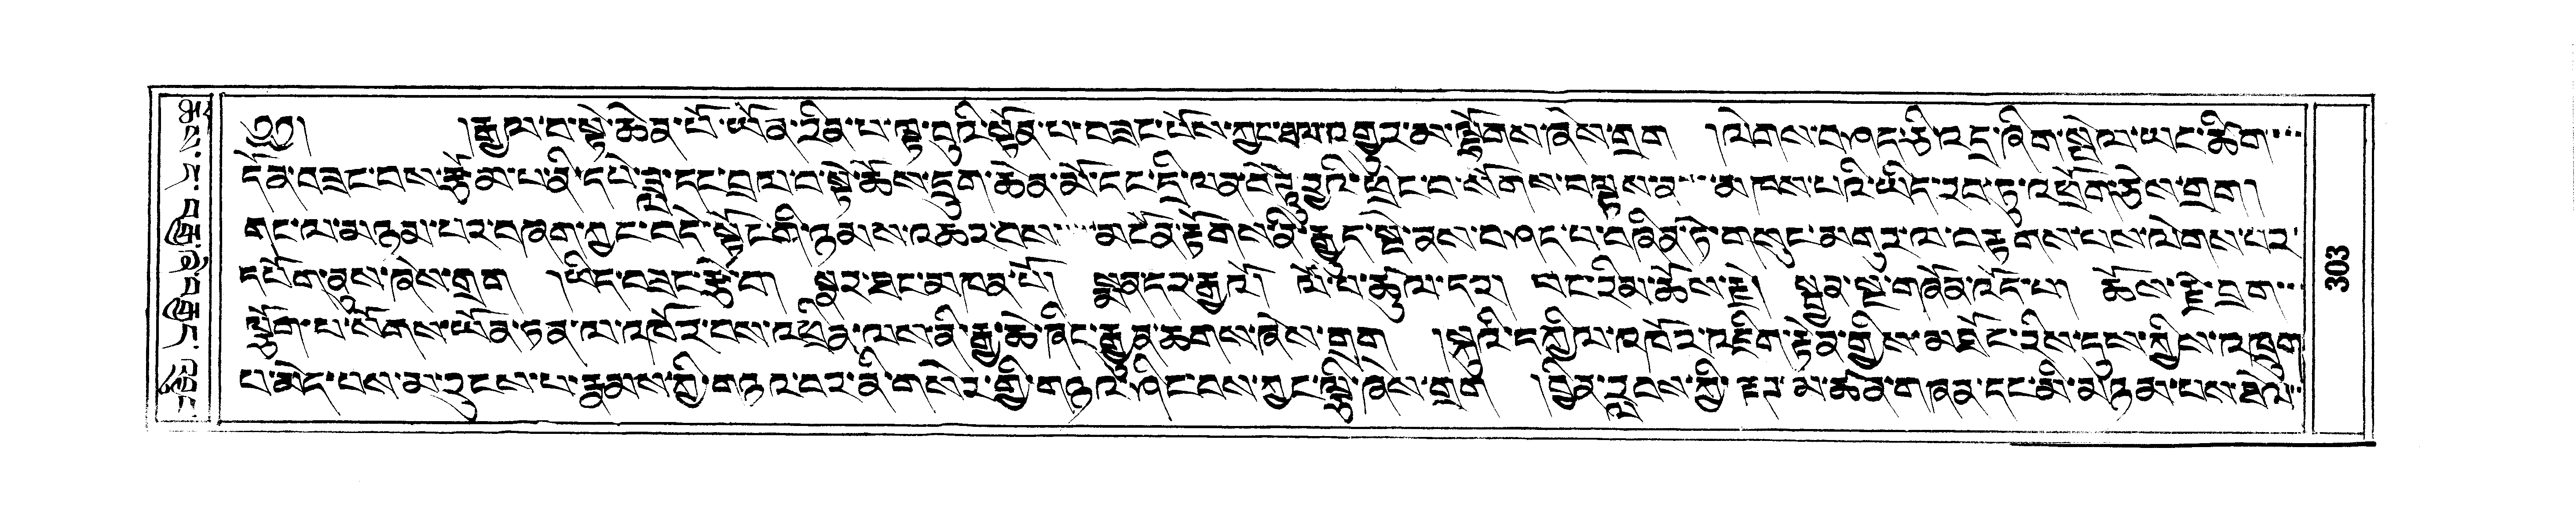༄༅། །རྒྱལ་བ་སྟེ་ཆེན་པོ་ཡོན་རིན་པ་ལྟ་བུའི་སྟོན་པ་བཟང་པོས་ཀྱང་ཐལ་འགྱུར་མ་ལྷོགས་ཞེས་གྲག །ལེགས་བཤད་ཅི་འདྲ་ཞིག་སྤེལ་ཡང་ཚིག་
དོན་བཟང་བས་རྩོམ་པ་ནི་དཔེ་ཟླ་དང་བྲལ་བ་སྟེ་ཆོས་དྲུག་ཆེན་མོ་དང་དྲི་ལན་བེཊཱུ་རྱའི་ཕྲེང་བ་སོགས་བལྟས་ན་མཁས་པའི་ཡིད་རབ་ཏུ་འཕྲོག་ཅེས་གྲག།
གང་ལ་མཉམ་པར་བཞག་ཀྱང་བདེ་སྟོང་གི་ཉམས་འཆར་བས་མངོན་རྟོགས་ནི་རྒྱུད་སྡེ་ནས་བཤད་པ་བཞིན་ཏེ་གསུང་མགུར་ལ་བརྟགས་པས་ལེགས་པར་
དཔོག་ནུས་ཞེས་གྲག །ཡིད་བཟང་རྩེ་ག་སྣར་ཐང་མཁན་པོ། སྨན་དར་རྒྱའོ། ལོ་པ་ཚུལ་དར། པང་རིམ་ཆོས་རྗེ། སྦྱན་སྔ་གཞོན་འོད་པ། ཆོས་རྗེ་བྲག་
ལྕོག་པ་སོགས་ཡོན་ཏན་ལ་འཁོར་བས་འཕྲིན་ལས་ནི་རྒྱ་ཆེ་ཞིང་རྒྱུན་ཆགས་ཞེས་གྲག །སྐུའི་དཀྱིལ་འཁོར་འཇིག་རྟེན་གྱིས་མཐོང་རིས་དུས་ཀྱིས་འཁྲུག་
པ་མེད་པས་མ་རུངས་པ་རྣམས་ཀྱི་གཉའ་བར་ནི་གསེར་གྱི་གཉའ་ཤིང་བས་ཀྱང་ལྕི་ཞེས་གྲག །བྱིན་རླབས་ཀྱི་རྟཊ་མཚན་གཞན་དང་མི་མཉམ་པས་ཐེལ་